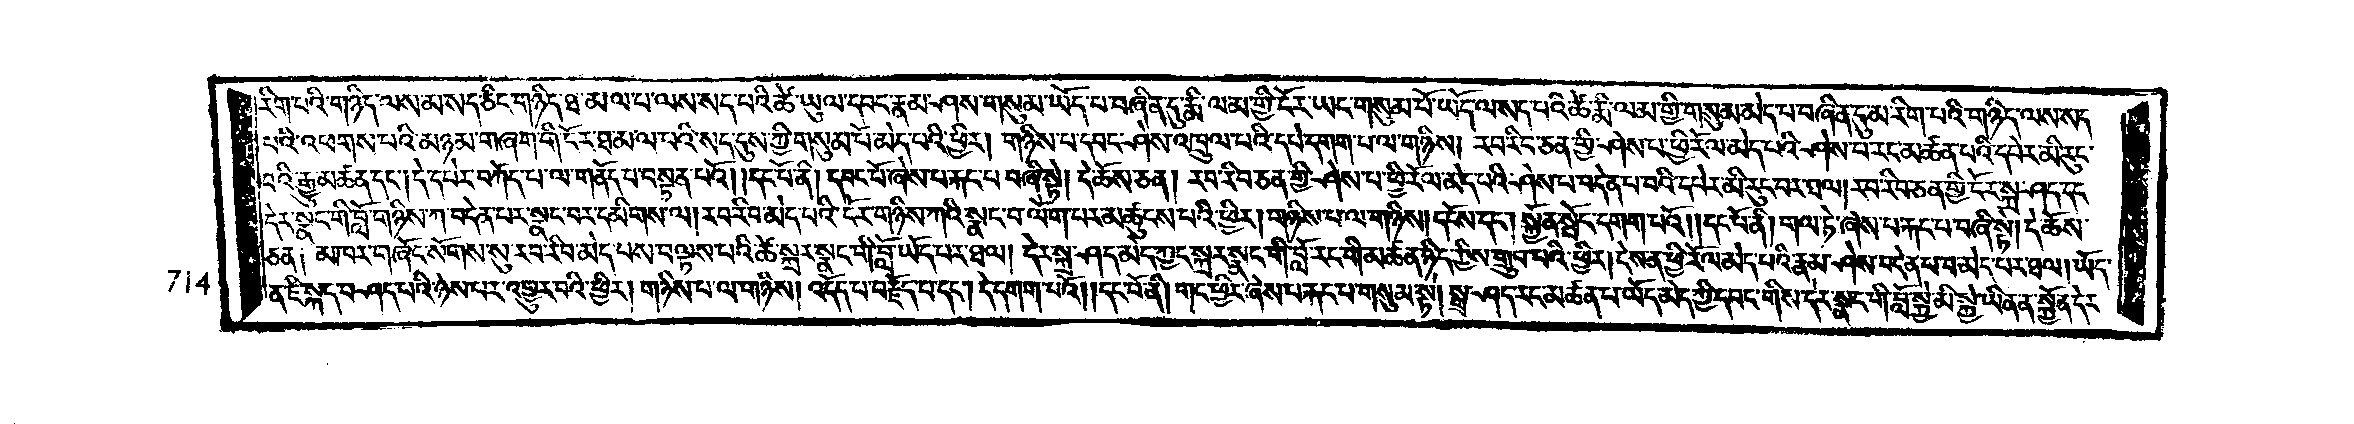རིག་པའི་གཉིད་ལས་མ་སད་ཅིང་གཉིད་ཐ་མལ་པ་ལས་སད་པའི་ཚེ་ཡུལ་དབང་རྣམ་ཤེས་གསུམ་ཡོད་པ་བཞིན་དུ་རྨི་ལམ་གྱི་ངོར་ཡང་གསུམ་པོ་ཡོད་ལ་སད་པའི་ཚེ་རྨི་ལམ་གྱི་གསུམ་མེད་པ་བཞིན་དུ་མ་རིག་པའི་གཉིད་ལས་སད་
པའི་འཕགས་པའི་མཉམ་གཞག་གི་ངོར་ཐ་མལ་པའི་སད་དུས་ཀྱི་གསུམ་པོ་མེད་པའི་ཕྱིར། གཉིས་པ་དབང་ཤེས་འཁྲུལ་པའི་དཔེ་དགག་པ་ལ་གཉིས། རབ་རིབ་ཅན་གྱི་ཤེས་པ་ཕྱི་རོལ་མེད་པའི་ཤེས་པ་རང་མཚན་པའི་དཔེར་མི་རུང་
བའི་རྒྱུ་མཚན་དང་། དེ་དཔེར་བཀོད་པ་ལ་གནོད་པ་བསྟན་པའོ། །དང་པོ་ནི། དབང་པོ་ཞེས་པ་རྐང་པ་བཞི་སྟེ། དེ་ཆོས་ཅན། རབ་རིབ་ཅན་གྱི་ཤེས་པ་ཕྱི་རོལ་མེད་པའི་ཤེས་པ་བདེན་པ་བའི་དཔེར་མི་རུང་བར་ཐལ། རབ་རིབ་ཅན་གྱི་ངོར་སྐྲ་ཤད་དང་
དེར་སྣང་གི་བློ་གཉིས་ཀ་བདེན་པར་སྣང་བར་དམིགས་ལ། རབ་རིབ་མེད་པའི་ངོར་གཉིས་ཀའི་སྣང་བ་ལོག་པར་མཚུངས་པའི་ཕྱིར། གཉིས་པ་ལ་གཉིས། དངོས་དང་། སྐྱོན་སྤོང་དགག་པའོ། །དང་པོ་ནི། གལ་ཏེ་ཞེས་པ་རྐང་པ་བཞི་སྟེ། དེ་ཆོས་
ཅན༑ མཁར་གཞོང་སོགས་སུ་རབ་རིབ་མེད་པས་བལྟས་པའི་ཚེ་སྐྲར་སྣང་གི་བློ་ཡོད་པར་ཐལ། དེར་སྐྲ་ཤད་མེད་ཀྱང་སྐྲར་སྣང་གི་བློ་རང་གི་མཚན་ཉིད་ཀྱིས་གྲུབ་པའི་ཕྱིར། དེས་ན་ཕྱི་རོལ་མེད་པའི་རྣམ་ཤེས་བདེན་པ་བ་མེད་པར་ཐལ། ཡོད་
ན་ཇི་སྐད་བཤད་པའི་ཉེས་པར་འགྱུར་བའི་ཕྱིར། གཉིས་པ་ལ་གཉིས། འདོད་པ་བརྗོད་པ་དང་། དེ་དགག་པའོ། །དང་པོ་ནི། གང་ཕྱིར་ཞེས་པ་རྐང་པ་གསུམ་སྟེ། སྒྲ་ཤད་རང་མཚན་པ་ཡོད་མེད་ཀྱི་དབང་གིས་དེར་སྣང་གི་བློ་སྐྱེ་མི་སྐྱེ་ཡིན་ན་སྐྱོན་དེར་